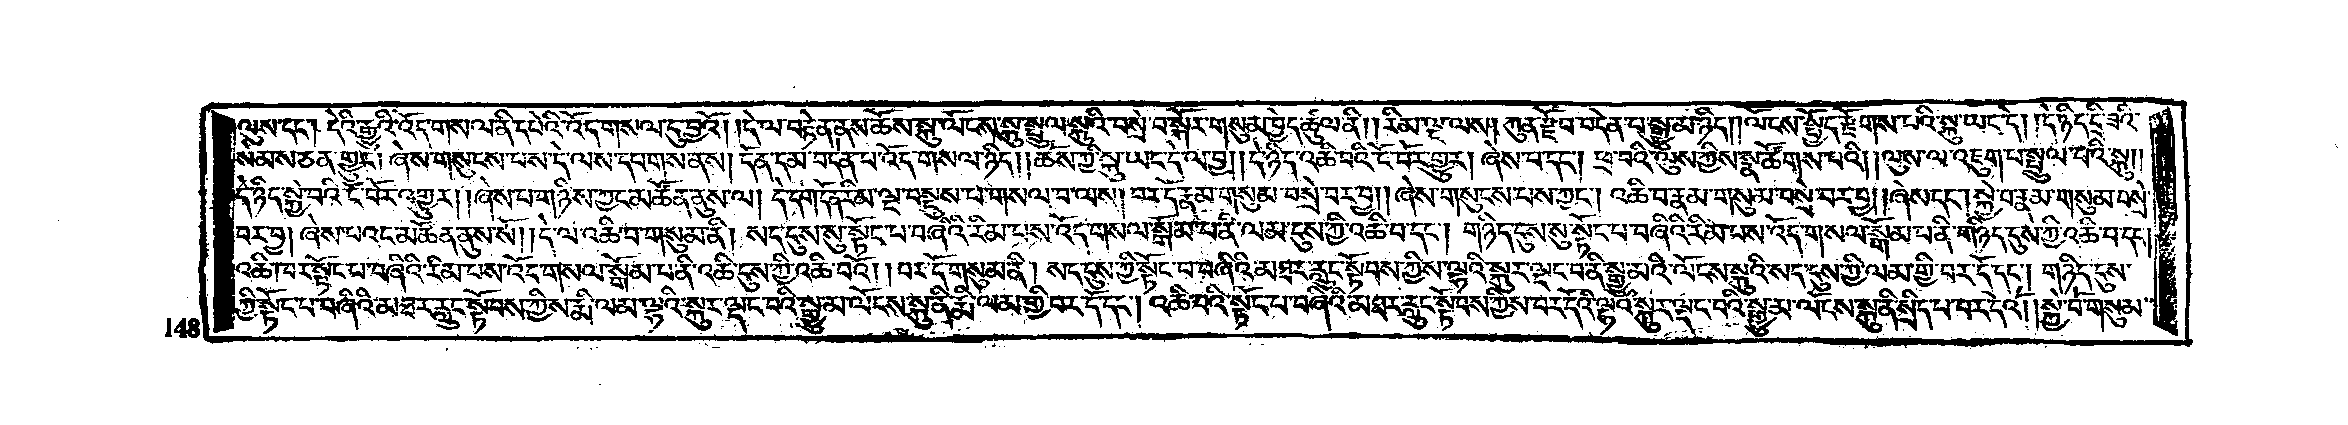ལུས་དང་། དེའི་རྒྱུའི་འོད་གསལ་ནི་དཔེའི་འོད་གསལ་དུ་བྱའོ། །དེ་ལ་བརྟེན་ནས་ཆོས་སྐུ་ལོངས་སྐུ་སྤྲུལ་སྐུའི་བསྲེ་བ་སྐོར་གསུམ་བྱེད་ཚུལ་ནི། །རིམ་ལྔ་ལས། ཀུན་རྫོབ་བདེན་པ་སྒྱུ་མ་ཉིད། །ལོངས་སྤྱོད་རྫོགས་པའི་སྐུ་ཡང་དེ། །དེ་ཉིད་དྲི་ཟའི་
སེམས་ཅན་གྱུར། ཞེས་གསུངས་པས་དེ་ལས་དཔགས་ནས། དོན་དམ་བདེན་པ་འོད་གསལ་ཉིད། །ཆོས་ཀྱི་སྐུ་ཡང་དེ་ལ་བྱ། །དེ་ཉིད་འཆི་བའི་ངོ་བོར་གྱུར། ཞེས་པ་དང་། ཕྲ་བའི་ལུས་ཀྱིས་སྣ་ཚོགས་པའི། །ལུས་ལ་འཇུག་པ་སྤྲུལ་པའི་སྐུ། །
དེ་ཉིད་སྐྱེ་བའི་ངོ་བོར་འགྱུར། །ཞེས་པ་གཉིས་ཀྱང་མཚོན་ནུས་ལ། དེ་དག་དོན་རིམ་ལྔ་བསྡུས་པ་གསལ་བ་ལས། བར་དོ་རྣམ་གསུམ་བསྲེ་བར་བྱ། །ཞེས་གསུངས་པས་ཀྱང་། འཆི་བ་རྣམ་གསུམ་བསྲེ་བར་བྱ། །ཞེས་དང་། སྐྱེ་བ་རྣམ་གསུམ་བསྲེ་
བར་བྱ། ཞེས་པའང་མཚོན་ནུས་སོ། །དེ་ལ་འཆི་བ་གསུམ་ནི། སད་དུས་སུ་སྟོང་པ་བཞིའི་རིམ་པས་འོད་གསལ་སྒོམ་པ་ནི་ལམ་དུས་ཀྱི་འཆི་བ་དང་། གཉིད་དུས་སུ་སྟོང་པ་བཞིའི་རིམ་པས་འོད་གསལ་སྒོམ་པ་ནི་གཉིད་དུས་ཀྱི་འཆི་བ་དང་།
འཆི་ཁར་སྟོང་པ་བཞིའི་རིམ་པས་འོད་གསལ་སྒོམ་པ་ནི་འཆི་དུས་ཀྱི་འཆི་བའོ། །བར་དོ་གསུམ་ནི། སད་དུས་ཀྱི་སྟོང་པ་བཞིའི་མཐར་རླུང་སྟོབས་ཀྱིས་ལྷའི་སྐུར་ལྡང་བ་ནི་སྒྱུ་མའི་ལོངས་སྐུའི་སད་དུས་ཀྱི་ལམ་གྱི་བར་དོ་དང་། གཉིད་དུས་
ཀྱི་སྟོང་པ་བཞིའི་མཐར་རླུང་སྟོབས་ཀྱིས་རྨི་ལམ་ལྷའི་སྐུར་ལྡང་བའི་སྒྱུ་མ་ལོངས་སྐུ་ནི་རྨི་ལམ་གྱི་བར་དོ་དང་། འཆི་བའི་སྟོང་པ་བཞིའི་མཐར་རླུང་སྟོབས་ཀྱིས་བར་དོའི་ལྷའི་སྐུར་ལྡང་བའི་སྒྱུ་མ་ལོངས་སྐུ་ནི་སྲིད་པ་བར་དོའོ། །སྐྱེ་བ་གསུམ་